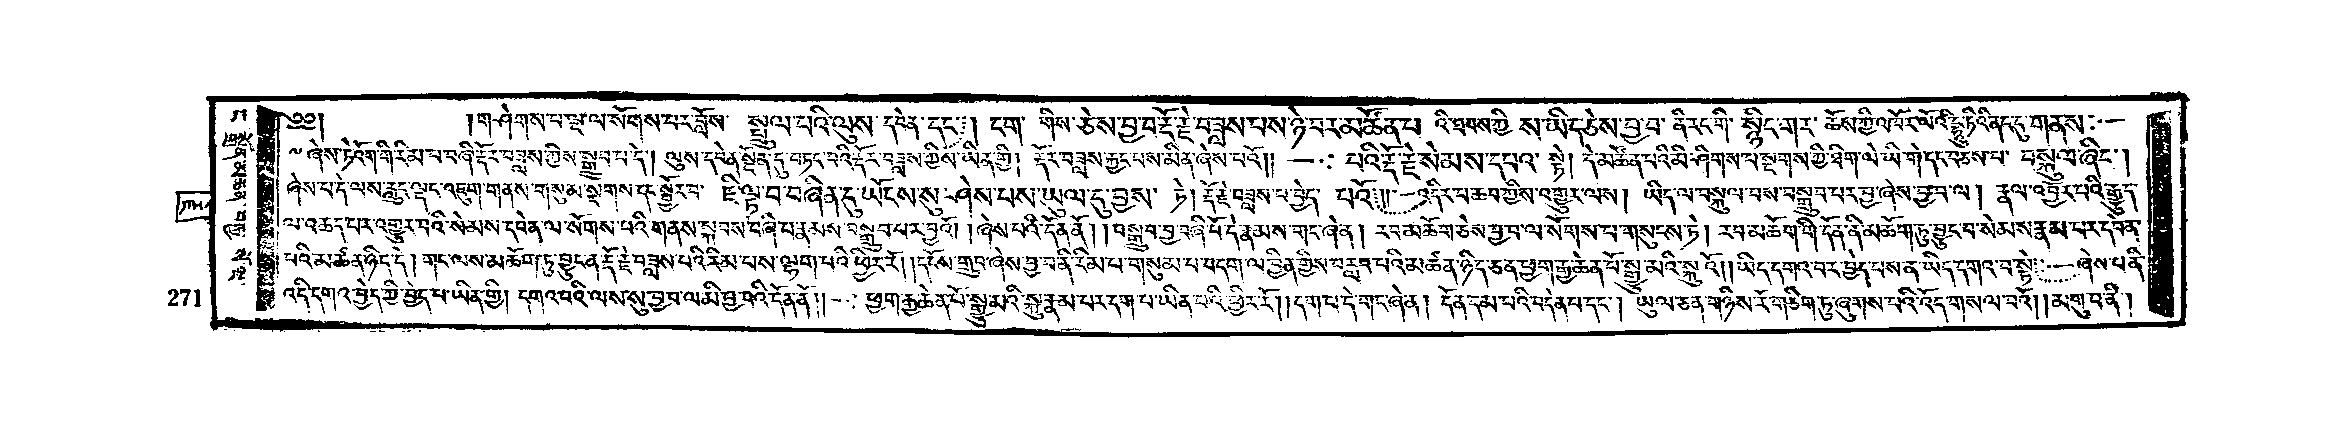༄༅། །གཤེགས་པ་ལྔ་ལ་སོགས་པར་བློས་སྤྲུལ་པའི་ལུས་དབེན་དང་། ངག་གིས་ཅེས་བྱ་བ་རྡོ་རྗེ་བཟླས་པས་ཉེ་བར་མཚོན་པའི་ཐབས་ཀྱིས་ཡིད་ཅེས་བྱ་བ་ནི་རང་གི་སྙིང་གར་ཆོས་ཀྱི་འཁོར་ལོའི་དྷཱུ་ཏིའི་ནང་དུ་གནས་H.
༧ཞེས་ཏེ་འོག་གི་རིམ་པ་བཞི་རྡོར་བཟླས་ཀྱིས་སྒྲུབ་པ་དེ། ལུས་དབེན་སྔོན་དུ་བཏང་བའི་རྡོར་བཟླས་ཀྱིས་ཡིན་གྱི། རྡོར་བཟླས་རྐྱང་པས་མིན་ཞེས་པའོ།།  .H པའི་རྡོ་རྗེ་སེམས་དཔའ་སྟེ། དེ་མཚོན་པའི་མི་ཤིགས་པ་སྔགས་ཀྱི་ཐིག་ལེ་ཡི་གེ་དང་བཅས་པ་བསྐུལ་ཞིང་།
ཞེས་པ་དེ་ལས་རླུང་ལྡང་འཇུག་གནས་གསུམ་སྔགས་དང་སྦྱོར་བ་ཇི་ལྟ་བ་བཞིན་དུ་ཡོངས་སུ་ཤེས་པས་ཡུལ་དུ་བྱས་ཏེ། རྡོ་རྗེ་བཟླས་པ་བྱེད་པའོ།། H.་འདིར་པ་ཚབ་ཀྱིས་འགྱུར་ལས། ཡིད་ལ་བསྐུལ་བས་བསྒྲུབ་པར་བྱ་ཞེས་བྱ་བ་ལ། རྣལ་འབྱོར་པའི་རྒྱུད་
ལ་འཆད་པར་འགྱུར་པའི་སེམས་དབེན་ལ་སོགས་པའི་གནས་སྐབས་བཞི་པ་རྣམས་བསྒྲུབ་པར་བྱའོ། །ཞེས་པའི་དོན་ནོ། །བསྒྲུབ་བྱ་བཞི་པོ་དེ་རྣམས་གང་ཞེ་ན། རབ་མཆོག་ཅེས་བྱ་བ་ལ་སོགས་པ་གསུངས་ཏེ། རབ་མཆོག་གི་དོན་ནི་མཆོག་ཏུ་བྱུང་བ་སེམས་རྣམ་པར་དབེན་
པའི་མཚན་ཉིད་དེ། གང་ལས་མཆོག་ཏུ་བྱུང་ན་རྡོ་རྗེ་བཟླས་པའི་རིམ་པས་ལྷག་པའི་ཕྱིར་རོ། །དངོས་གྲུབ་ཞེས་བྱ་བ་ནི་རིམ་པ་གསུམ་པ་བདག་ལ་བྱིན་གྱིས་བརླབ་པའི་མཚན་ཉིད་ཅན་ཕྱག་རྒྱ་ཆེན་པོ་སྒྱུ་མའི་སྐུའོ། །ཡིད་དགའ་བར་བྱེད་པས་ན་ཡིད་དགའ་བ་སྟེ་H.་ཞེས་པ་ནི་
འདི་དགའ་བྱེད་ཀྱི་བྱེད་པ་ཡིན་གྱི། དགའ་བའི་ལས་སུ་བྱ་བ་ལ་མི་བྱ་བའི་དོན་ནོ།། .H ཕྱག་རྒྱ་ཆེན་པོ་སྒྱུ་མའི་སླུ་རྣམ་པར་དག་པ་ཡིན་པའི་ཕྱིར་རོ། །དག་པ་དེ་གང་ཞེ་ན། དོན་དམ་པའི་བདེན་པ་དང་། ཡུལ་ཅན་གཉིས་རོ་གཅིག་ཏུ་ཞུགས་པའི་འོད་གསལ་པའོ། །མགུ་བ་ནི།